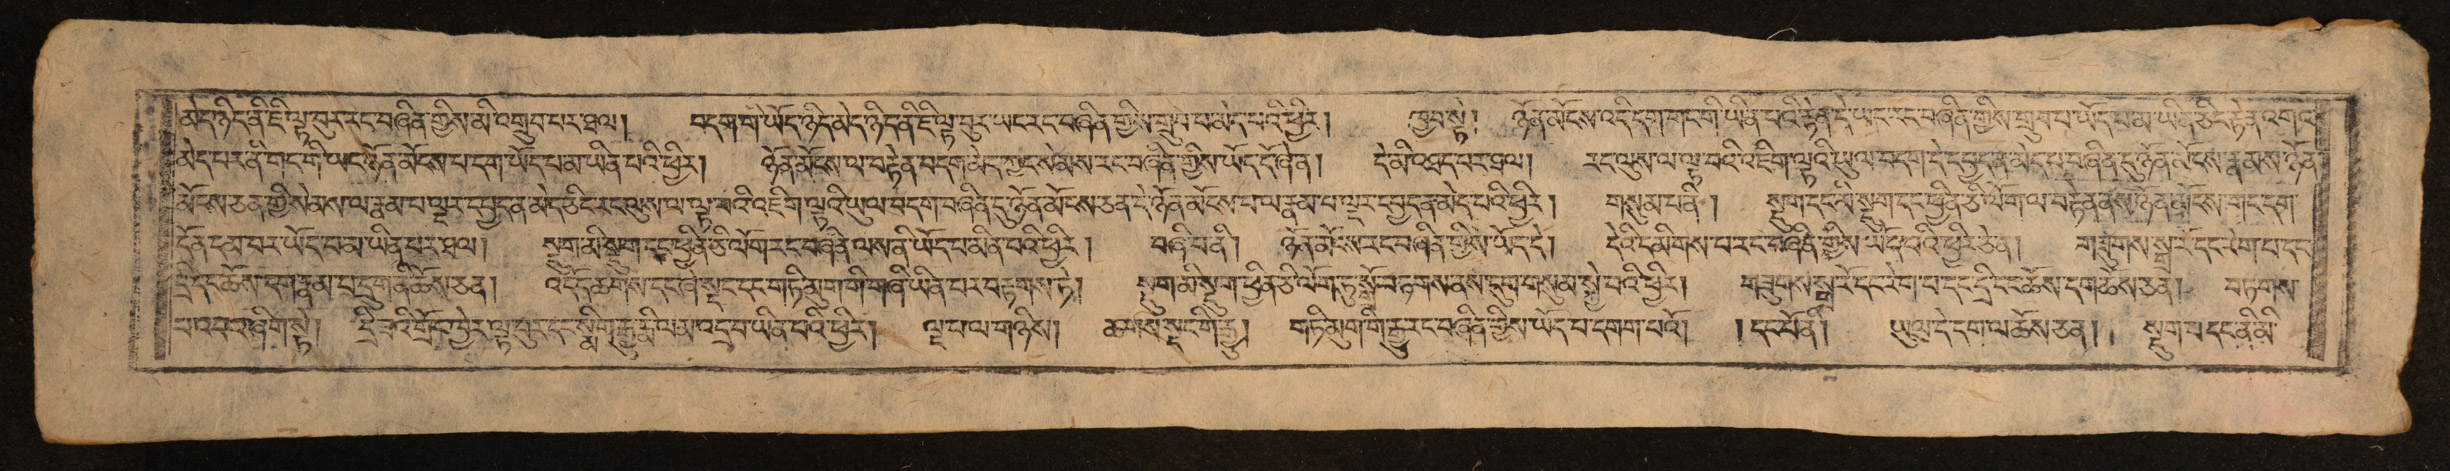མེད་ཉིད་ནི་ཇི་ལྟ་བུར་རང་བཞིན་གྱིས་མི་འགྲུབ་པར་ཐལ། བདག་གི་ཡོད་ཉིད་མེད་ཉིད་ནི་ཇི་ལྟ་བུར་ཡང་རང་བཞིན་གྱིས་གྲུབ་པ་མེད་པའི་ཕྱིར། ཁྱབ་སྟེ། ཉོན་མོངས་འདི་དག་གང་གི་ཡིན་པའི་རྟེན་དེ་ཡང་རང་བཞིན་གྱིས་གྲུབ་པ་ཡོད་པ་མ་ཡིན་ཅིང་རྟེན་འགལ་
མེད་པར་ནི་གང་གི་ཡང་ཉོན་མོངས་པ་དག་ཡོད་པ་མ་ཡིན་པའི་ཕྱིར། ཉོན་མོངས་ལ་བརྟེན་བདག་མེད་ཀྱང་སེམས་རང་བཞིན་གྱིས་ཡོད་དོ་ཞེ་ན། དེ་མི་འཐད་པར་ཐལ། རང་ལུས་ལ་ལྟ་བའི་འཇིག་ལྟའི་ཡུལ་བདག་དེ་དཔྱད་ན་མེད་པ་བཞིན་དུ་ཉོན་མོངས་རྣམས་ཉོན་
མོངས་ཅན་གྱི་སེམས་ལ་རྣམ་པ་ལྔར་དཔྱད་ན་མེད་ཅིང་རང་ལུས་ལ་ལྟ་བའི་འཇིག་ལྟའི་ཡུལ་བདག་བཞིན་དུ་ཉོན་མོངས་ཅན་དེ་ཉོན་མོངས་པ་ལ་རྣམ་པ་ལྔར་དཔྱད་ན་མེད་པའི་ཕྱིར། གསུམ་པ་ནི། སྡུག་དང་མི་སྡུག་དང་ཕྱིན་ཅི་ལོག་ལ་བརྟེན་ནས་ཉོན་མོངས་གང་དག་
དོན་དམ་པར་ཡོད་པ་མ་ཡིན་པར་ཐལ། སྡུག་མི་སྡུག་དང་ཕྱིན་ཅི་ལོག་རང་བཞིན་ལས་ནི་ཡོད་པ་མིན་པའི་ཕྱིར། བཞི་པ་ནི། ཉོན་མོངས་རང་བཞིན་གྱིས་ཡོད་དེ། དེའི་དམིགས་པ་རང་བཞིན་གྱིས་ཡོད་པའི་ཕྱིར་ཅེ་ན། གཟུགས་སྒྲ་རོ་དང་རེག་པ་དང་
དྲི་དང་ཆོས་དག་རྣམ་པ་དྲུག་ནི་ཆོས་ཅན། འདོད་ཆགས་དང་ཞེ་སྡང་དང་གཏི་མུག་གི་གཞི་ཡིན་པར་བརྟགས་ཏེ། སྡུག་མི་སྡུག་ཕྱིན་ཅི་ལོག་ཏུ་སྒྲོ་བཏགས་ནས་དུག་གསུམ་སྐྱེ་བའི་ཕྱིར། གཟུགས་སྒྲ་རོ་དང་རེག་པ་དང་དྲི་དང་ཆོས་དག་ཆོས་ཅན། བཏགས་
པ་འབའ་ཞིག་སྟེ། དྲི་ཟའི་གྲོང་ཁྱེར་ལྟ་བུར་དང་སྨིག་རྒྱུ་རྨི་ལམ་འདྲ་བ་ཡིན་པའི་ཕྱིར། ལྔ་པ་ལ་གཉིས། ཆགས་སྡང་གི་རྒྱུ། གཏི་མུག་གི་རྒྱུ་རང་བཞིན་གྱིས་ཡོད་པ་དགག་པའོ། །དང་པོ་ནི། ཡུལ་དེ་དག་ལ་ཆོས་ཅན། སྡུག་པ་དང་ནི་མི་